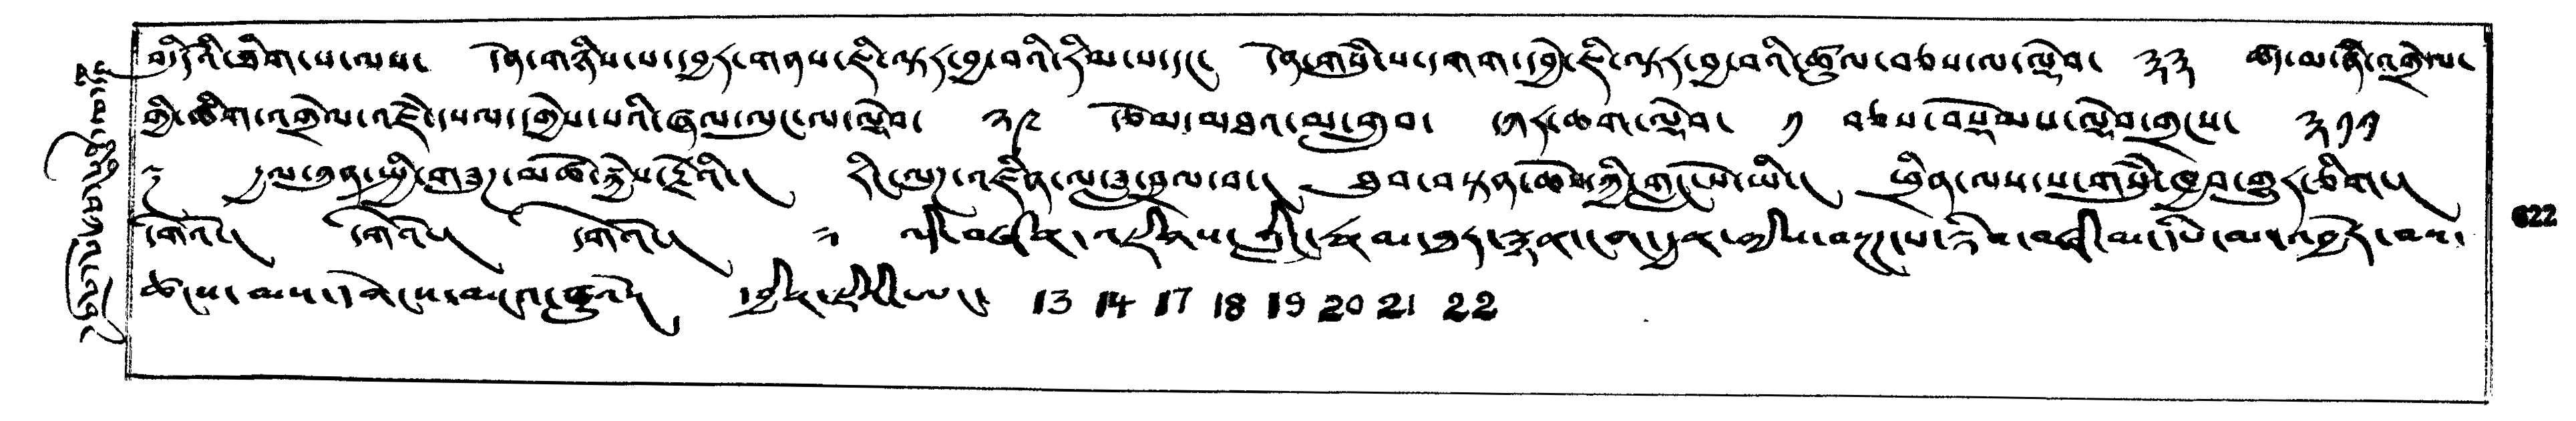བདུད་རྩིའི་ཐིགས་པ་ལས། དོན་གཉིས་པ་དབྱར་གནས་ཇི་ལྟར་བྱ་བའི་རིམ་པ་དང་། དོན་གསུམ་པ་དགག་དབྱེ་ཇི་ལྟར་བྱ་བའི་ཚུལ་བཅས་ལ་ལྡེབ། ༣༣ ཚད་མ་རྣམ་འགྲེལ་
གྱི་ཚིག་འགྲེལ་འཇམ་དཔལ་དགྱེས་པའི་ཞལ་ལུང་ལ་ལྡེབ། ༢༩ རྩོམ་མཐའ་མ་གྲུབ། དཀར་ཆག་ལྡེབ། ༡ བཅས་བསྡོམས་ལྡེབ་གྲངས། ༣༡༡ 
༈ རྒྱལ་ཀུན་སྤྱི་གཟུགས་མཚོ་སྐྱེས་རྗེའི། །རིང་ལུགས་འཛིན་ལ་ཟླ་བྲལ་བ། །ཐུབ་བསྟན་ཆོས་ཀྱི་གླང་པོ་ཡི། ཕྲིན་ལས་ས་གསུམ་ཁྱབ་གྱུར་ཅིག །
དགེའོ།། དགེའོ།། དགེའོ།། །། ༉ འདི་བཞིན་འཇིགས་གླིང་རྣམ་ཐར་སྙན་ངག་རྒྱན་གྱིས་བསྔགས་པ་ལྡེབ་བཞི་མ་དཔེ་མ་འབྱོར་བས་
ཚང་མས་དགོངས་མངའ་ཞུའོ། དབྱིན་ཇིའི་ཨང་། 13 14 17 18 19 20 21 22